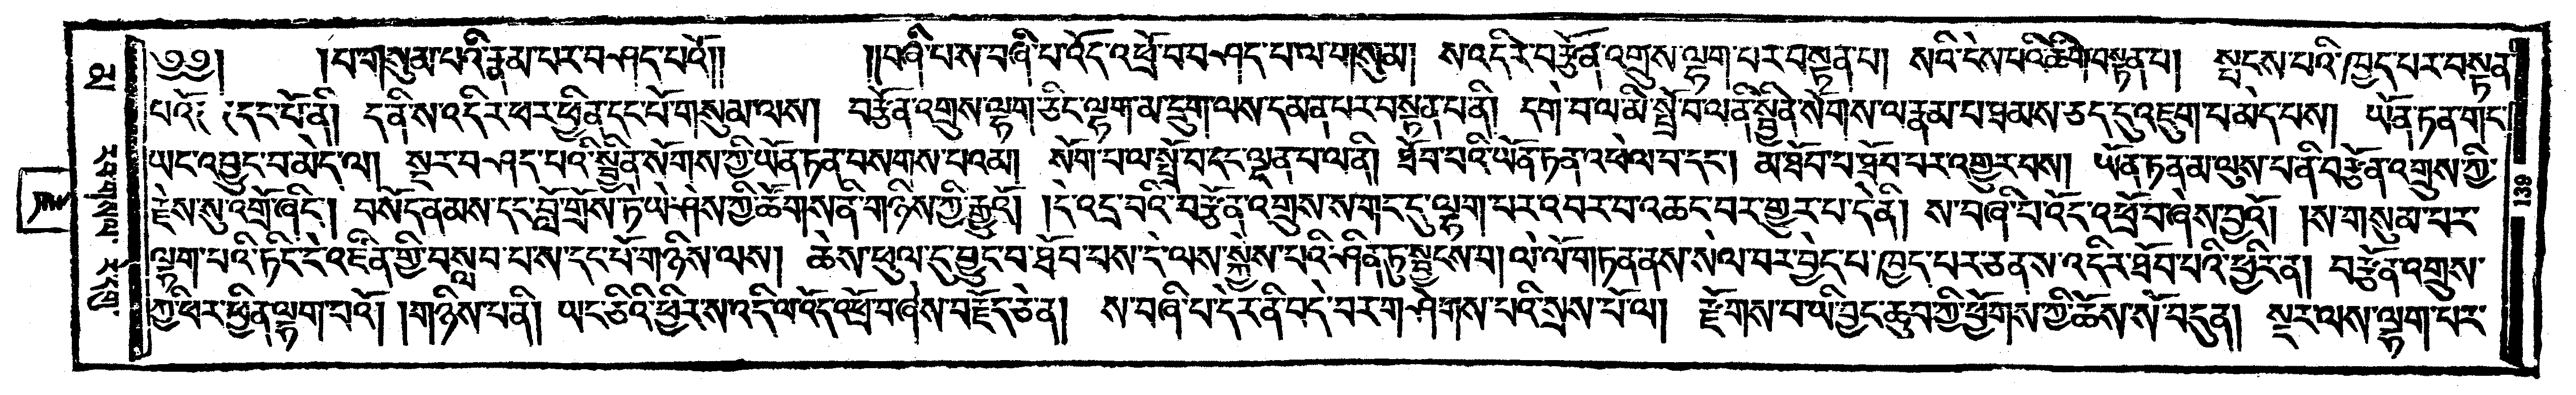༄༅། །པ་གསུམ་པའི་རྣམ་པར་བཤད་པའོ།། །།བཞི་པ་ས་བཞི་པ་འོད་འཕྲོ་བ་བཤད་པ་ལ་གསུམ། ས་འདིར་བརྩོན་འགྲུས་ལྷག་པར་བསྟན་པ། སའི་ངེས་པའི་ཚིག་བསྟན་པ། སྤངས་པའི་ཁྱད་པར་བསྟན་
པའོ༑ ༑དང་པོ་ནི། ད་ནི་ས་འདིར་ཕར་ཕྱིན་དང་པོ་གསུམ་ལས། བརྩོན་འགྲུས་ལྷག་ཅིང་ལྷག་མ་དྲུག་ལས་དམན་པར་བསྟན་པ་ནི། དགེ་བ་ལ་མི་སྤྲོ་བ་ལ་ནི་སྦྱིན་སོགས་ལ་རྣམ་པ་ཐམས་ཅད་དུ་འཇུག་པ་མེད་པས། ཡོན་ཏན་གང་
ཡང་འབྱུང་བ་མེད་ལ། སྔར་བཤད་པའི་སྦྱིན་སོགས་ཀྱི་ཡོན་ཏན་བསགས་པའམ། སོག་པ་ལ་སྤྲོ་བ་དང་ལྡན་པ་ལ་ནི། ཐོབ་པའི་ཡོན་ཏན་འཕེལ་བ་དང་། མ་ཐོབ་པ་ཐོབ་པར་འགྱུར་བས། ཡོན་ཏན་མ་ལུས་པ་ནི་བརྩོན་འགྲུས་ཀྱི་
རྗེས་སུ་འགྲོ་ཞིང་། བསོད་ནམས་དང་བློ་གྲོས་ཏེ་ཡེ་ཤེས་ཀྱི་ཚོགས་ནི་གཉིས་ཀྱི་རྒྱུའོ། །དེ་འདྲ་བའི་བརྩོན་འགྲུས་ས་གང་དུ་ལྷག་པར་འབར་བ་འཆང་བར་གྱུར་པ་དེ་ནི། ས་བཞི་པ་འོད་འཕྲོ་བ་ཞེས་བྱའོ། །ས་གསུམ་པར་
ལྷག་པའི་ཏིང་ངེ་འཛིན་གྱི་བསླབ་པ་ས་དང་པོ་གཉིས་ལས། ཆེས་ཕུལ་དུ་བྱུང་བ་ཐོབ་པས་དེ་ལས་སྐྱེས་པའི་ཤིན་ཏུ་སྦྱངས་པ། ལེ་ལོ་གཏན་ནས་སེལ་བར་བྱེད་པ་ཁྱད་པར་ཅན་ས་འདིར་ཐོབ་པའི་ཕྱིར་ན། བརྩོན་འགྲུས་
ཀྱི་ཕར་ཕྱིན་ལྷག་པའོ། །གཉིས་པ་ནི། ཡང་ཅིའི་ཕྱིར་ས་འདི་ལ་འོད་འཕྲོ་བ་ཞེས་བརྗོད་ཅེ་ན། ས་བཞི་པ་དེར་ནི་བདེ་བར་གཤེགས་པའི་སྲས་པོ་ལ། རྫོགས་པ་ཡི་བྱང་ཆུབ་ཀྱི་ཕྱོགས་ཀྱི་ཆོས་སོ་བདུན། སྔར་ལས་ལྷག་པར་